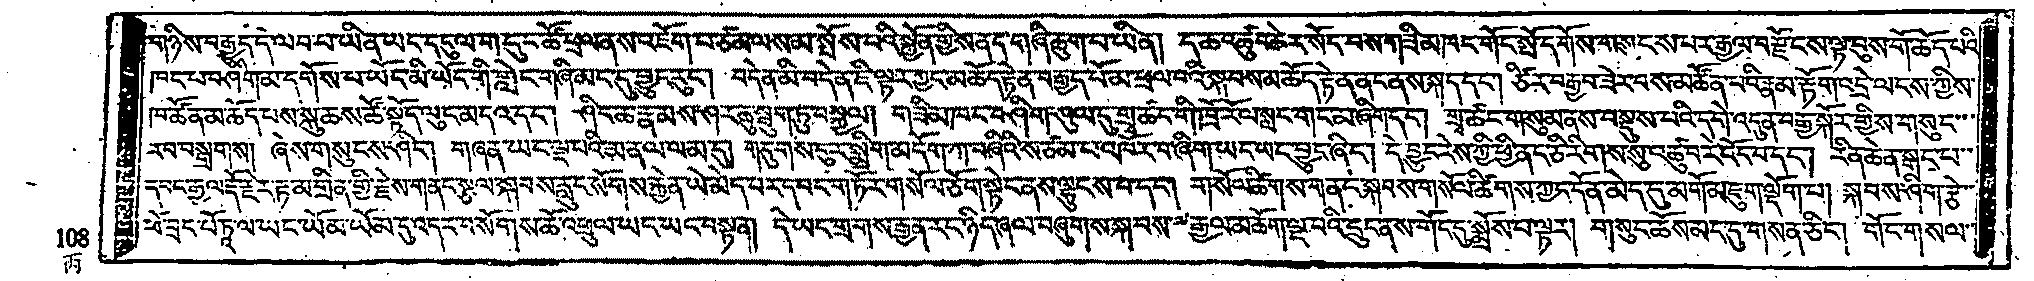གཉིས་བརྒྱུད་དེ་ལབ་པ་ཡིན་ཡང་དངུལ་གདུང་ཚོ་ཕྲལ་ནས་འཇོག་པ་ཙམ་ལས་མ་སྤོས་པའི་སྐྱོན་གྱིས་ནད་གཞི་ཆུག་པ་ཡིན། ད་ཆ་འཚུབ་ཆེར་སོང་བས་གཟིམ་ཁང་གོང་སྤོ་དགོས་གསུངས་པར་རྒྱལ་བརྫོངས་ལྟ་བུས་གོ་ཆོད་པའི་
ཁང་པ་བཤིག་མ་དགོས་པ་ཡོང་མི་ཡོང་གི་གླེང་གཞི་མང་དུ་བྱུང་རུང་། བདེན་མི་བདེན་ཇི་ལྟར་ཀྱང་མཆོད་རྟེན་བརྒྱད་པོ་མ་ཕྲལ་བའི་སྐབས་མཆོད་རྟེན་ནང་ནས་སྐད་དང་། ཙིར་བརྒྱབ་ཟེར་བས་མཚོན་པའི་རྣམ་རྟོག་འདྲེ་ལངས་ཀྱིས་
ཁ་ཚོན་མ་ཆོད་པས་སྐུ་ཆས་ཚོ་སྟོད་ལུང་མདའ་དང་། ཤིང་ཆ་རྣམས་ཤར་ཆུ་སྦུག་ཏུ་བསྐྱལ། གཟིམ་ཁང་བཤིག་ཤུལ་དུ་གྲྭ་ཚང་གི་ཁྲོ་རོལ་སླང་གང་མ་ཞིག་དང་། གྲྭ་ཚང་གསུམ་ནས་བསྡུས་པའི་དགེ་འདུན་བརྒྱ་སྐོར་གྱིས་གསུང་
རབ་བསྒྲགས། ཞེས་གསུངས་ཤིང་། གཞན་ཡང་ལྔ་པའི་མནལ་ལམ་དུ། གདུགས་ངུར་སྨྲིག་མདོག་ཀ་བཞིའི་ས་ཙམ་པ་འཁོར་བ་ཞིག་ཡང་ཡང་བྱུང་ཞིང་། དེ་བྱུང་རེས་ཀྱི་ཕྱི་ནང་ཅི་རིགས་སུ་འཚུབ་རེ་འོང་བ་དང་། རིན་ཆེན་སྒང་པ་
དབང་རྒྱལ་རྡོ་རྗེར་རྟ་མགྲིན་གྱི་རྗེས་གནང་སྩལ་སྐབས་རླུང་སོགས་རྐྱེན་ཡེ་མེད་པར་དབང་གཏོར་གསོལ་ཅོག་སྟེང་ནས་ལྷུངས་པ་དང་། གསོལ་ཚིགས་གནང་སྐབས་གསོལ་ཚིགས་ཀྱང་དོན་མེད་དུ་མགོ་མཇུག་ལྡོག་པ། སྐབས་ཤིག་རྩེ་
ཕོ་བྲང་པོ་ཏཱ་ལ་ཡང་ཡོམ་ཡོམ་དུ་འདར་བ་སོགས་ཆོ་འཕྲུལ་ཡང་ཡང་བསྟན། དེ་ཡང་གྲགས་རྒྱན་རང་ཉིད་ཞལ་བཞུགས་སྐབས་༧རྒྱལ་མཆོག་ལྔ་པའི་དྲུང་ནས་གོང་དུ་སྨྲོས་པ་ལྟར། གསུང་ཆོས་མང་དུ་གསན་ཅིང་། གོང་གསལ་